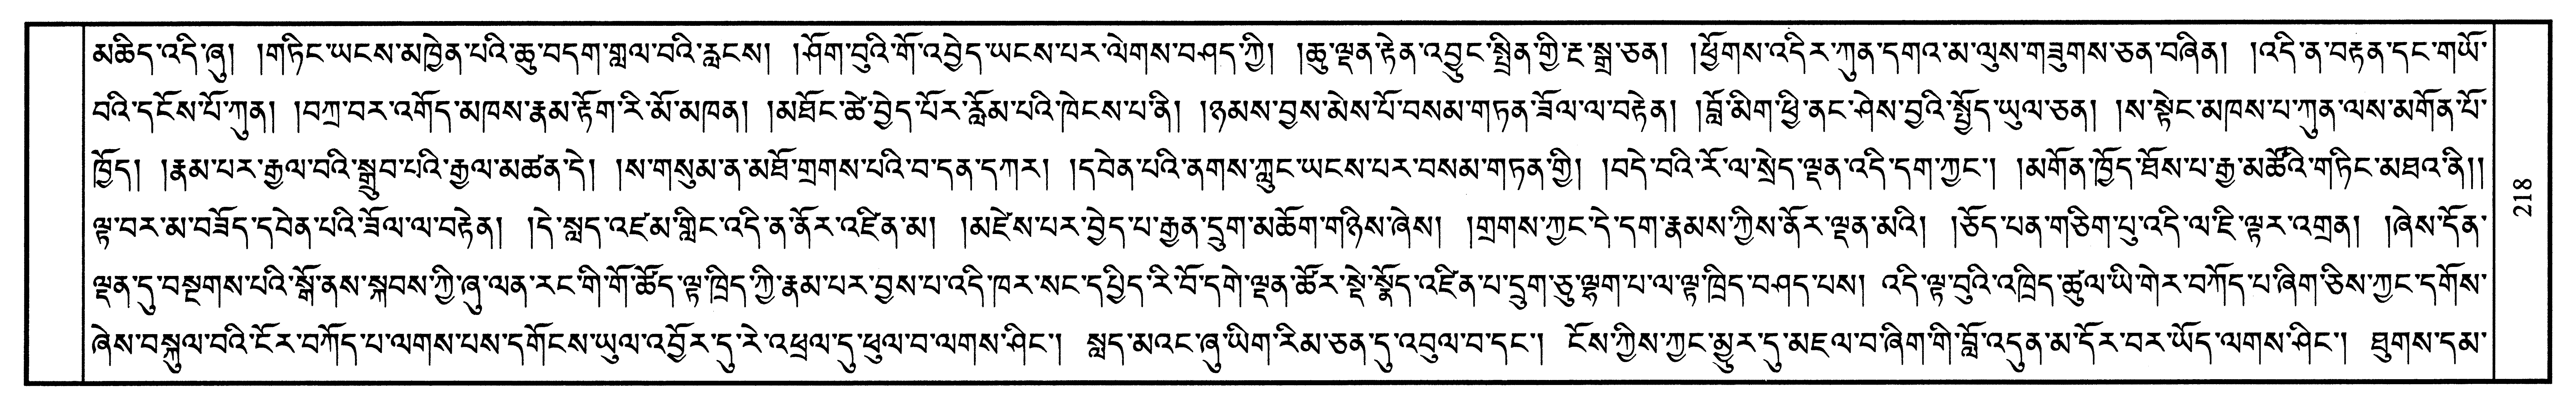མཆིད་འདི་ཞུ། །གཏིང་ཡངས་མཁྱེན་པའི་ཆུ་བདག་གླལ་བའི་རླངས། །ཤོག་བུའི་གོ་འབྱེད་ཡངས་པར་ལེགས་བཤད་ཀྱི། །ཆུ་ལྡན་རྟེན་འབྱུང་སྤྲིན་གྱི་རྔ་སྒྲ་ཅན། །ཕྱོགས་འདིར་ཀུན་དགའ་མ་ལུས་གཟུགས་ཅན་བཞིན། །འདི་ན་བརྟན་དང་གཡོ་
བའི་དངོས་པོ་ཀུན། །བཀྲ་བར་འགོད་མཁས་རྣམ་རྟོག་རི་མོ་མཁན། །མཐོང་ཚེ་བྱེད་པོར་རློམ་པའི་ཁེངས་པ་ནི། །ཉམས་བྱས་མེས་པོ་བསམ་གཏན་ཟོལ་ལ་བརྟེན། །བློ་མིག་ཕྱི་ནང་ཤེས་བྱའི་སྤྱོད་ཡུལ་ཅན། །ས་སྟེང་མཁས་པ་ཀུན་ལས་མགོན་པོ་
ཁྱོད། །རྣམ་པར་རྒྱལ་བའི་སྒྲུབ་པའི་རྒྱལ་མཚན་དེ། །ས་གསུམ་ན་མཐོ་གྲགས་པའི་བ་དན་དཀར། །དབེན་པའི་ནགས་ཀླུང་ཡངས་པར་བསམ་གཏན་གྱི། །བདེ་བའི་རོ་ལ་སྲེད་ལྡན་འདི་དག་ཀྱང་། །མགོན་ཁྱོད་ཐོས་པ་རྒྱ་མཚོའི་གཏིང་མཐའ་ནི།།
ལྟ་བར་མ་བཟོད་དབེན་པའི་ཟོལ་ལ་བརྟེན། །དེ་སླད་འཛམ་གླིང་འདི་ན་ནོར་འཛིན་མ། །མཛེས་པར་བྱེད་པ་རྒྱན་དྲུག་མཆོག་གཉིས་ཞེས། །གྲགས་ཀྱང་དེ་དག་རྣམས་ཀྱིས་ནོར་ལྡན་མའི། །ཅོད་པན་གཅིག་པུ་འདི་ལ་ཇི་ལྟར་འགྲན། །ཞེས་དོན་
ལྡན་དུ་བསྔགས་པའི་སྒོ་ནས་སྐབས་ཀྱི་ཞུ་ལན་རང་གི་གོ་ཚོད་ལྟ་ཁྲིད་ཀྱི་རྣམ་པར་བྱས་པ་འདི་ཁར་སང་དཔྱིད་རི་བོ་དགེ་ལྡན་ཚོར་སྡེ་སྣོད་འཛིན་པ་དྲུག་ཅུ་ལྷག་པ་ལ་ལྟ་ཁྲིད་བཤད་པས། །འདི་ལྟ་བུའི་འཁྲིད་ཚུལ་ཡི་གེར་བཀོད་པ་ཞིག་ཅིས་ཀྱང་དགོས་
ཞེས་བསྐུལ་བའི་ངོར་བཀོད་པ་ལགས་པས་དགོངས་ཡུལ་འབྱོར་དུ་རེ་འཕྲལ་དུ་ཕུལ་བ་ལགས་ཤིང་། སླད་མའང་ཞུ་ཡིག་རིམ་ཅན་དུ་འབུལ་བ་དང་། ངོས་ཀྱིས་ཀྱང་མྱུར་དུ་མཇལ་བ་ཞིག་གི་བློ་འདུན་མ་དོར་བར་ཡོད་ལགས་ཤིང་། ཐུགས་དམ་